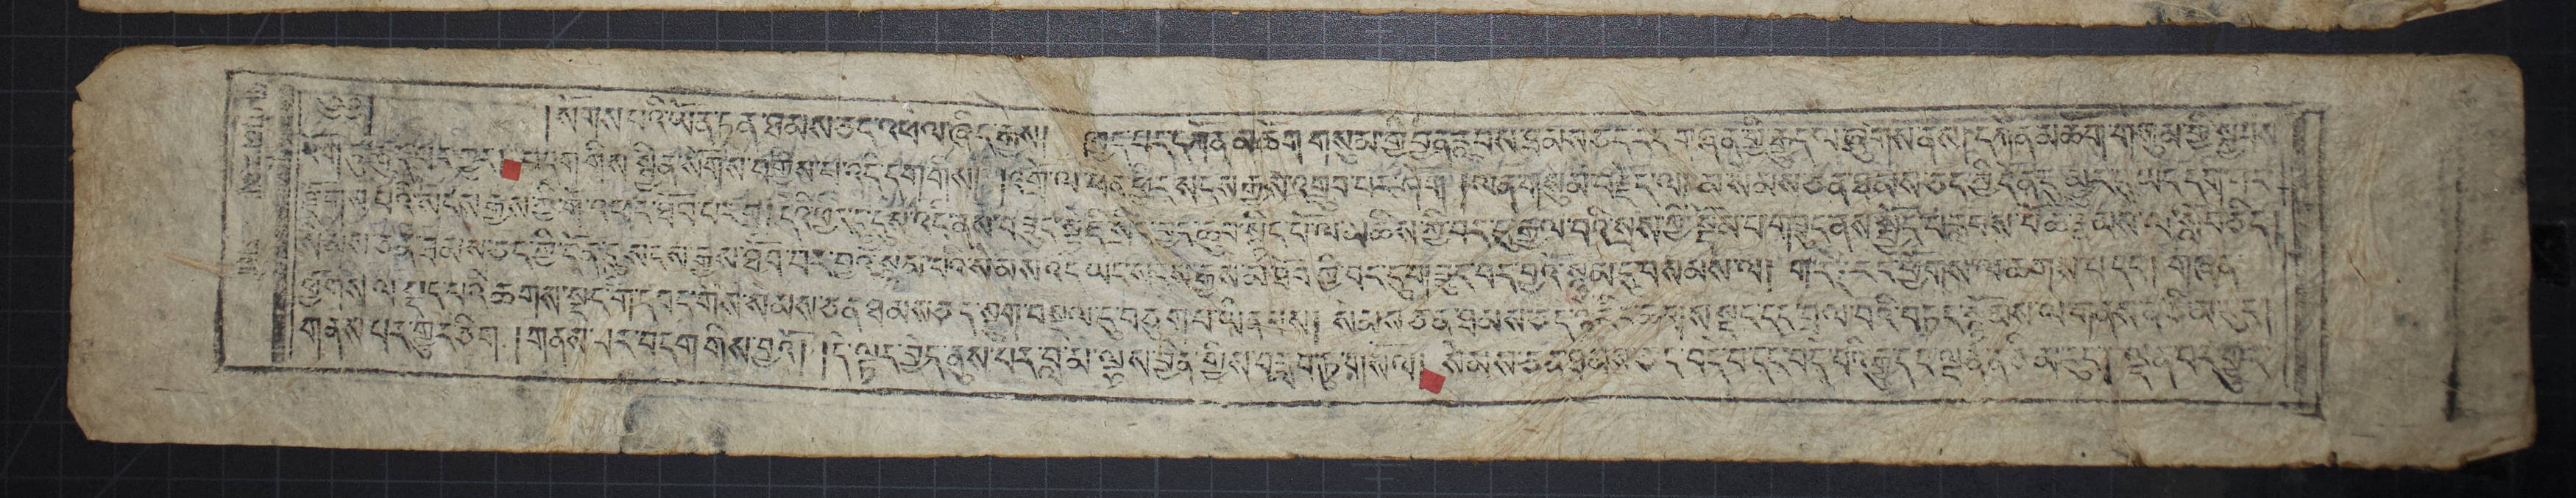༄༅། །སོགས་པའི་ཡོན་ཏན་ཐམས་ཅད་འཕེལ་ཞིང་རྒྱས། ཁྱད་པར་དཀོན་མཆོག་གསུམ་གྱི་བྱིན་རླབས་ཐམས་ཅད་རང་གཞན་གྱི་རྒྱུད་ལ་ཞུགས་ནས། དཀོན་མཆོག་གསུམ་གྱི་སྐྱབས་
འོག་ཏུ་ཆུད་པར་གྱུར། བདག་གིས་སྦྱིན་སོགས་བགྱིས་པ་འདི་དག་གིས། །འགྲོ་ལ་ཕན་ཕྱིར་སངས་རྒྱས་འགྲུབ་པར་ཤོག །ལན་གསུམ་བརྗོད་ལ། མ་སེམས་ཅན་ཐམས་ཅད་ཀྱི་དོན་དུ་མྱུར་དུ་ཡང་དག་པར་
རྫོགས་པའི་སངས་རྒྱས་ཀྱི་གོ་འཕང་ཐོབ་པར་བྱ། དེའི་ཕྱིར་དུ་དུས་འདི་ནས་བཟུང་སྟེ་ཇི་སྲིད་བྱང་ཆུབ་སྙིང་པོ་ལ་མཆིས་ཀྱི་བར་དུ་རྒྱལ་བའི་སྲས་ཀྱི་སྡོམ་པ་གཟུང་ནས་སྤྱོད་པ་རླབས་པོ་ཆེ་རྣམས་ལ་སློབ་ཅིང་།
སེམས་ཅན་ཐམས་ཅད་ཀྱི་དོན་དུ་སངས་རྒྱས་ཐོབ་པར་བྱའོ་སྙམ་པའི་སེམས་འདི་ཡང་སངས་རྒྱས་མ་ཐོབ་ཀྱི་བར་དུ་གཟུང་བར་བྱའོ་སྙམ་དུ་བསམས་ལ། ག་རེ་༈ རང་ཕྱོགས་ལ་ཆགས་པ་དང་། གཞན་
ཕྱོགས་ལ་སྡང་བའི་ཆགས་སྡང་གི་དབང་གིས་སེམས་ཅན་ཐམས་ཅད་སྡུག་བསྔལ་དུ་བཅུག་པ་ཡིན་པས། སེམས་ཅན་ཐམས་ཅད་ཉེ་རིང་ཆགས་སྡང་དང་བྲལ་བའི་བཏང་སྙོམས་ལ་གནས་ན་ཅི་མ་རུང་།
གནས་པར་གྱུར་ཅིག །གནས་པར་བདག་གིས་བྱའོ། །དེ་ལྟར་བྱེད་ནུས་པར་བླ་མ་ལྷས་བྱིན་གྱིས་བརླབ་ཏུ་གསོལ། སེམས་ཅན་ཐམས་ཅད་བདེ་བ་དང་བདེ་བའི་རྒྱུ་དང་ལྡན་ན་ཅི་མ་རུང་། ལྡན་པར་གྱུར་